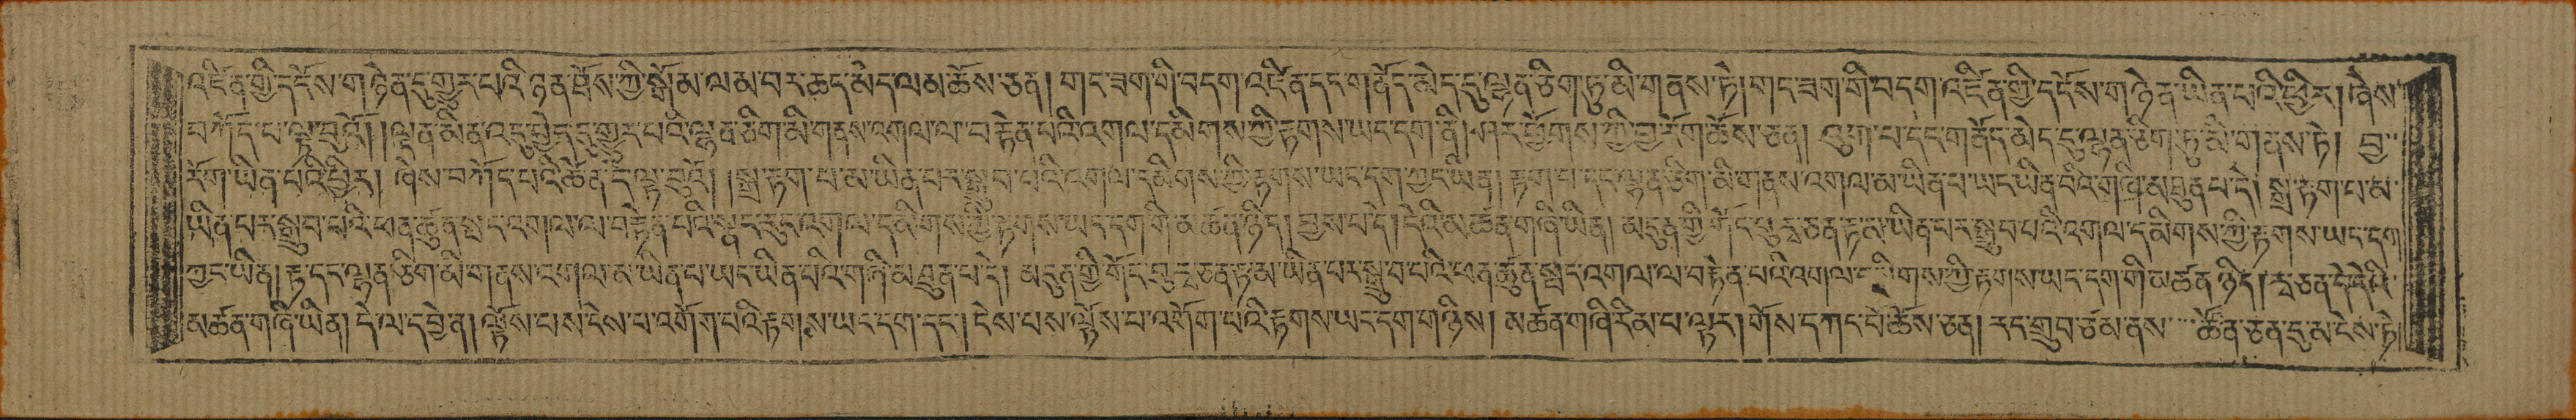འཛིན་གྱི་དངོས་གཉེན་དུ་གྱུར་པའི་ཉན་ཐོས་ཀྱི་སྒོམ་ལམ་བར་ཆད་མེད་ལམ་ཆོས་ཅན། གང་ཟག་གི་བདག་འཛིན་དང་གནོད་མེད་དུ་ལྷན་ཅིག་ཏུ་མི་གནས་ཏེ། གང་ཟག་གི་བདག་འཛིན་གྱི་དངོས་གཉེན་ཡིན་པའི་ཕྱིར། ཞེས་
བཀོད་པ་ལྟ་བུའོ། །ལྡན་མིན་འདུ་བྱེད་དུ་གྱུར་པའི་ལྷན་ཅིག་མི་གནས་འགལ་ལ་བརྟེན་པའི་འགལ་དམིགས་ཀྱི་རྟགས་ཡང་དག་ནི། ཤར་ཕྱོགས་ཀྱི་བྱ་རོག་ཆོས་ཅན། འུག་པ་དང་གནོད་མེད་དུ་ལྷན་ཅིག་ཏུ་མི་གནས་ཏེ། བྱ་
རོག་ཡིན་པའི་ཕྱིར། ཞེས་བཀོད་པའི་ཚེ་ན་དེ་ལྟ་བུའོ། །སྒྲ་རྟག་པ་མ་ཡིན་པར་སྒྲུབ་པའི་འགལ་དམིགས་ཀྱི་རྟགས་ཡང་དག་ཀྱང་ཡིན། རྟག་པ་དང་ལྷན་ཅིག་མི་གནས་འགལ་མ་ཡིན་པ་ཡང་ཡིན་པའི་གཞི་མཐུན་པ་དེ། སྒྲ་རྟག་པ་མ་
ཡིན་པར་སྒྲུབ་པའི་ཕན་ཚུན་སྤང་འགལ་ལ་བརྟེན་པའི་སྣང་རུང་འགལ་དམིགས་ཀྱི་རྟགས་ཡང་དག་གི་མཚན་ཉིད། བྱས་པ་དེ། དེའི་མཚན་གཞི་ཡིན། མདུན་གྱི་གོང་བུ་རྭ་ཅན་རྟ་མ་ཡིན་པར་སྒྲུབ་པའི་འགལ་དམིགས་ཀྱི་རྟགས་ཡང་དག་
ཀྱང་ཡིན། རྟ་དང་ལྷན་ཅིག་མི་གནས་འགལ་མ་ཡིན་པ་ཡང་ཡིན་པའི་གཞི་མཐུན་པ་དེ། མདུན་གྱི་གོང་བུ་རྭ་ཅན་རྟ་མ་ཡིན་པར་སྒྲུབ་པའི་ཕན་ཚུན་སྤང་འགལ་ལ་བརྟེན་པའི་འགལ་དམིགས་ཀྱི་རྟགས་ཡང་དག་གི་མཚན་ཉིད། རྭ་ཅན་དེ་དེའི་
མཚན་གཞི་ཡིན། དེ་ལ་དབྱེ་ན། ལྟོས་པས་ངེས་པ་འགོག་པའི་རྟགས་ཡང་དག་དང་། ངེས་པས་ལྟོས་པ་འགོག་པའི་རྟགས་ཡང་དག་གཉིས། མཚན་གཞི་རིམ་པ་ལྟར། གོས་དཀར་པོ་ཆོས་ཅན། རང་གྲུབ་ཙམ་ནས་ཚོན་ཅན་དུ་མ་ངེས་ཏེ།